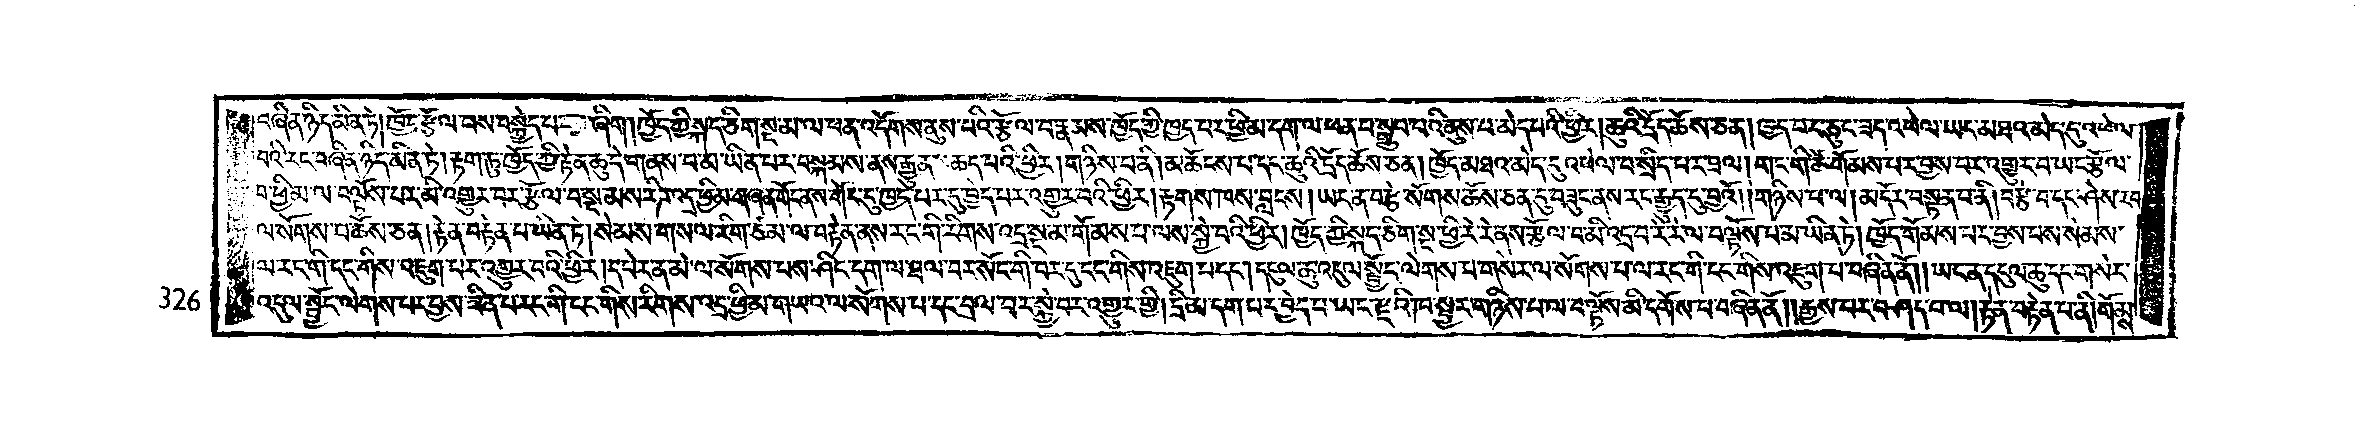བཞིན་ཉིད་མིན་ཏེ། ཁྱོད་རྩོལ་བས་བསྐྱེད་པར་བྱ་?་ཞིག །ཁྱོད་ཀྱི་སྐད་ཅིག་སྔ་མ་ལ་ཕན་འདོགས་ནུས་པའི་རྩོལ་བ་རྣམས་ཁྱོད་ཀྱི་ཁྱད་པར་ཕྱི་མ་དག་ལ་ཕན་པ་སྒྲུབ་པའི་ནུས་པ་མེད་པའི་ཕྱིར། ཆུའི་དྲོད་ཆོས་ཅན། ཁྱད་པར་ཅུང་ཟད་འཕེལ་ཡང་མཐའ་མེད་དུ་འཕེལ་
བའི་རང་བཞིན་ཉིད་མིན་ཏེ། རྟག་ཏུ་ཁྱོད་ཀྱི་རྟེན་ཆུ་དེ་གནས་པ་མ་ཡིན་པར་བསྐམས་ནས་རྒྱུ་ནས་ཆད་པའི་ཕྱིར། གཉིས་པ་ནི། མཆོངས་པ་དང་ཆུའི་དྲོད་ཆོས་ཅན། ཁྱོད་མཐའ་མེད་དུ་འཕེལ་བ་སྲིད་པར་ཐལ། གང་གི་ཚེ་གོམས་པར་བྱས་པར་འགྱུར་བ་ཡང་རྩོལ་
བ་ཕྱི་?་མ་ལ་བལྟོས་པར་མི་འགྱུར་བར་རྩོལ་བ་སྔ་མས་རིཌ་འདྲ་ཕྱི་མ་གཞན་གོང་ནས་གོང་དུ་ཁྱད་པར་དུ་བྱེད་པར་འགྱུར་བའི་ཕྱིར། རྟགས་ཁས་བླངས། ཡང་ན་བརྩེ་སོགས་ཆོས་ཅན་དུ་བཟུང་ནས་རང་རྒྱུད་དུ་བྱའོ། །གཉིས་པ་ལ། མདོར་བསྟན་པ་ནི། བརྩེ་བ་དང་ཤེས་རབ་
ལ་སོགས་པ་ཆོས་ཅན། རྟེན་བརྟེན་པ་ཡིན་ཏེ། སེམས་གསལ་རིག་ཙམ་ལ་བརྟེན་ནས་རང་གི་རིགས་འདྲ་སྔ་མ་གོམས་པ་ལས་སྐྱེ་བའི་ཕྱིར། ཁྱོད་ཀྱི་སྐད་ཅིག་སྔ་ཕྱི་རེ་རེ་ནས་རྩོལ་བ་མི་འདྲ་བ་རེ་རེ་ལ་བལྟོས་པ་མ་ཡིན་ཏེ། ཁྱོད་གོམས་པར་བྱས་པས་སེམས་
ལ་རང་གི་ངང་གིས་འཇུག་པར་འགྱུར་བའི་ཕྱིར། དཔེར་ན་མེ་ལ་སོགས་པས་ཤིང་དག་ལ་ཐལ་བར་སོང་གི་བར་དུ་ངང་གིས་འཇུག་པ་དང་། དངུལ་ཆུ་འདུལ་སྤྱོད་ལེགས་པ་གསེར་ལ་སོགས་པ་ལ་རང་གི་ངང་གིས་འཇུག་པ་བཞིན་ནོ། །ཡང་ན་དངུལ་ཆུ་དང་གསེར་
འདུལ་སྦྱོང་ལེགས་པར་བྱས་ཟིན་པ་རང་གི་ངང་གིས་རིགས་འདྲ་ཕྱི་མ་གཡའ་ལ་སོགས་པ་དང་བྲལ་བར་སྐྱེ་བར་འགྱུར་གྱི། དྲི་མ་དག་པར་བྱེད་པ་ཡང་རྫའི་ཁ་སྦྱར་གཉིས་པ་ལ་བལྟོས་མི་དགོས་པ་བཞིན་ནོ། །རྒྱས་པར་བཤད་པ་ལ། རྟེན་བརྟེན་པ་ནི། གོམས་